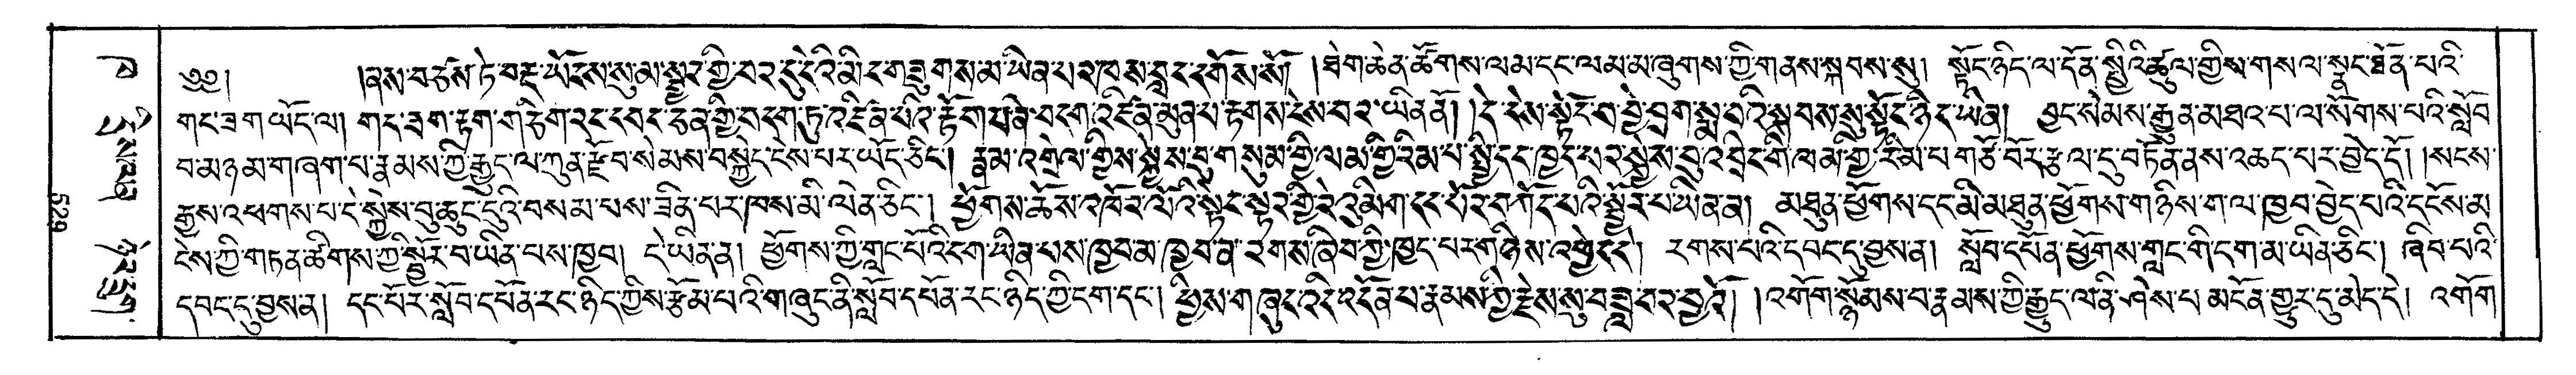༄༅། །ནས་བཙས་ཏེ་བརྡ་ཡོངས་སུ་མ་སྦྱར་གྱི་བར་དུ་དེའི་མིང་གཟུགས་མ་ཡིན་པར་ཁས་བླང་དགོས་སོ། །ཐེག་ཆེན་ཚོགས་ལམ་དང་ལམ་མ་ཞུགས་ཀྱི་གནས་སྐབས་སུ། སྟོང་ཉིད་ལ་དོན་སྤྱིའི་ཚུལ་གྱིས་གསལ་སྣང་ཐོན་པའི་
གང་ཟག་ཡོད་ལ། གང་ཟག་རྟག་གཅིག་རང་དབང་ཅན་གྱི་བདག་ཏུ་འཛིན་པའི་རྟོག་པ་ནི་བདག་འཛིན་ཀུན་བརྟགས་ངེས་པར་ཡིན་ནོ། །དེ་དེས་སྟོང་བ་བྱེ་བྲག་སྨྲ་བའི་སྐབས་སུ་སྟོང་ཉིད་ཡིན། བྱང་སེམས་རྒྱུན་མཐའ་པ་ལ་སོགས་པའི་སློབ་
བ་མཉམ་གཞག་པ་རྣམས་ཀྱི་རྒྱུད་ལ་ཀུན་རྫོབ་སེམས་བསྐྱེད་ངེས་པར་ཡོད་ཅིང་། རྣམ་འགྲེལ་གྱིས་སྐྱེས་བུ་གསུམ་གྱི་ལམ་གྱི་རིམ་པ་སྤྱི་དང་ཁྱད་པར་སྐྱེས་བུ་འབྲིང་གི་ལམ་གྱི་རིམ་པ་གཙོ་བོར་རྩལ་དུ་བཏོན་ནས་འཆད་པར་བྱེད་དོ། །སངས་
རྒྱས་འཕགས་པ་དེ་སྐྱེས་བུ་ཆུང་དུའི་བསམ་པས་ཟིན་པར་ཁས་མི་ལེན་ཅིང་། ཕྱོགས་ཆོས་འཁོར་ལོའི་སྟེང་སྟར་གྱི་རེའུ་མིག་དང་པོར་བཀོད་པའི་སྦྱོར་བ་ཡིན་ན། མཐུན་ཕྱོགས་དང་མི་མཐུན་ཕྱོགས་གཉིས་ཀ་ལ་ཁྱབ་བྱེད་པའི་དངོས་མ་
ངེས་ཀྱི་གཏན་ཚིགས་ཀྱི་སྦྱོར་བ་ཡིན་པས་ཁྱབ། དེ་ཡིན་ན། ཕྱོགས་ཀྱི་གླང་པོའི་ངག་ཡིན་པས་ཁྱབ་མ་ཁྱབ་ལ་རགས་ཞིབ་ཀྱི་ཁྱད་པར་གཉིས་འབྱེད་དེ། རགས་པའི་དབང་དུ་བྱས་ན། སློབ་དཔོན་ཕྱོགས་གླང་གི་ངག་མ་ཡིན་ཅིང་། ཞིབ་པའི་
དབང་དུ་བྱས་ན། དང་པོར་སློབ་དཔོན་རང་ཉིད་ཀྱིས་རྩོམ་པའི་གཞུང་ནི་སློབ་དཔོན་རང་ཉིད་ཀྱི་ངག་དང་། ཕྱིས་གཞུང་འདི་འདོན་པ་རྣམས་ཀྱི་རྗེས་སུ་བཟླ་བར་བྱའོ། །འགོག་སྙོམས་པ་རྣམས་ཀྱི་རྒྱུད་ལ་ནི་ཤེས་པ་མངོན་གྱུར་དུ་མེད་དེ། འགོག་